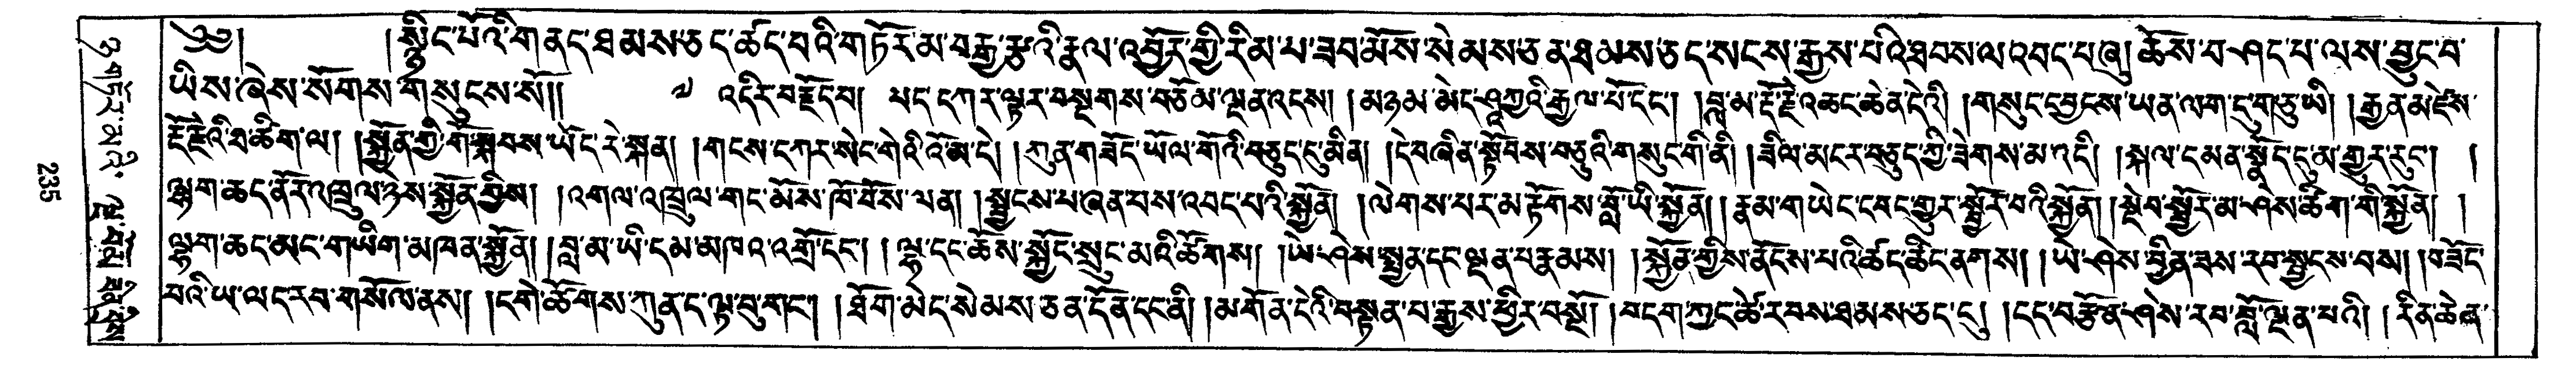༄༅། །སྙིང་བོའི་གནད་ཐམས་ཅད་ཚང་བའི་གཏོར་མ་བརྒྱ་རྩའི་རྣལ་འབྱོར་གྱི་རིམ་པ་ཟབ་མོས་སེམས་ཅན་ཐམས་ཅད་སངས་རྒྱས་བའི་ཐབས་ལ་འབད་བཞུ། ཆོས་བཤད་པ་ལས་བྱུང་བ་
ཡིས་ཞེས་སོགས་གསུངས་སོ།། ༧་འདིར་བརྗོད་པ། པད་དཀར་ལྟར་བསྔགས་བཅོམ་ལྡན་འདས། །མཉམ་མེད་ཤཱཀྱའི་རྒྱལ་པོ་དང་། །བླ་མ་རྡོ་རྗེ་འཆང་ཆེན་དེའི། །གསུང་དབྱངས་ཡན་ལག་དྲུག་ཅུ་ཡི། །རྒྱན་མཛེས་
རྡོ་རྗེའི་ཐ་ཚིག་ལ། །སྐྱོན་གྱི་གོ་སྐབས་ཡོད་རེ་སྐན། །གངས་དཀར་སེང་གེའི་འོ་མ་དེ། །ཀུན་གཟོད་ཡོལ་གོའི་བཅུད་དུ་མིན། །དེ་བཞིན་སྟོབས་བཅུའི་གསུང་གི་ནི། །ཟིལ་མངར་བཅུད་ཀྱི་ཟེགས་མ་འདི། །སྐལ་དམན་སྣོད་དུ་མ་གྱུར་རུང་། །
ལྷག་ཆད་ནོར་འཁྲུལ་ཉེས་སྐྱོན་གྱིས། །འགལ་འཁྲུལ་གང་མོས་ཁོ་བོས་ལན། །སྦྱངས་པ་ཞན་བས་འབད་པའི་སྐྱོན། །ལེགས་པར་མ་རྟོགས་བློ་ཡི་སྐྱོན། །རྣམ་གཡེང་དབང་གྱུར་སྦྱོར་བའི་སྐྱོན། །སྡེབ་སྦྱོར་མ་ཤེས་ཚིག་གི་སྐྱོན། །
ལྷག་ཆད་མང་བ་ཡིག་མཁན་སྐྱོན། །བླ་མ་ཡི་དམ་མཁའ་འགྲོ་དང་། །ལྷ་དང་ཆོས་སྐྱོང་སྲུང་མའི་ཚོགས། །ཡེ་ཤེས་སྤྱན་དང་ལྡན་པ་རྣམས། །སྐྱོན་གྱིས་ནོངས་པའི་ཚང་ཚིང་ནགས། །ཡེ་ཤེས་བྱིན་ཟས་རབ་སྦྱངས་བས། །བཟོད་
པའི་ཡ་ལད་རབ་གསོལ་ནས། །དགེ་ཚོགས་ཀུན་ད་ལྟ་བུ་གང་། །ཐོག་མེད་སེམས་ཅན་དོན་དང་ནི། །མགོན་དེའི་བསྟན་པ་རྒྱས་ཕྱིར་བསྔོ། །བདག་ཀྱང་ཚེ་རབས་ཐམས་ཅད་དུ། །དད་བརྩོན་ཤེས་རབ་བློ་ལྡན་པའི། །རིན་ཆེན་